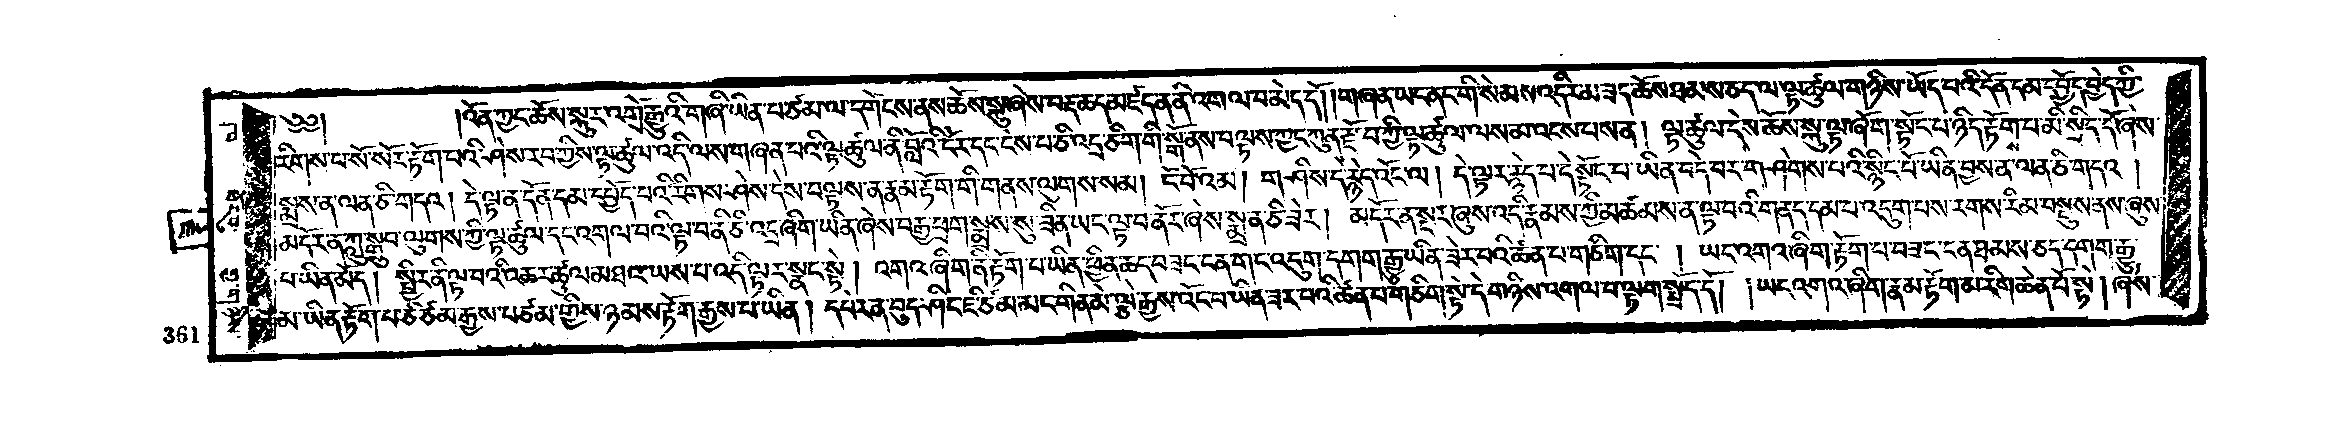༄༅། །འོན་ཀྱང་ཆོས་སྐུར་འགྲོ་རྒྱུའི་གཞི་ཡིན་པ་ཙམ་ལ་དགོངས་ནས་ཆོས་སྐུ་ཞེས་བརྡ་ཆད་མཛད་ན་ནི་འགལ་བ་མེད་དོ། །གཞན་ཡང་ནང་གི་སེམས་འདིར་མ་ཟད་ཆོས་ཐམས་ཅད་ལ་ལྟ་ཚུལ་གཉིས་ཡོད་པའི་དོན་དམ་དཔྱོད་བྱེད་ཀྱི་
རིགས་པ་སོ་སོར་རྟོག་པའི་ཤེས་རབ་ཀྱིས་ལྟ་ཚུལ་འདི་ལས་གཞན་པའི་ལྟ་ཚུལ་ནི་བློའི་ངོར་དང་ངེས་པ་ཅི་འདྲ་ཅིག་གི་སྒོ་ནས་བལྟས་ཀྱང་ཀུན་རྫོབ་ཀྱི་ལྟ་ཚུལ་ལས་མ་འདས་པས་ན། ལྟ་ཚུལ་དེས་ཆོས་སྐུ་ལྟ་ཞོག་སྟོང་པ་ཉིད་རྟོགས་པ་མི་སྲིད་དོ་ཞེས་
སྨྲས་ན་ལན་ཅི་གདའ། དེ་ལྟ་ན་དོན་དམ་དཔྱོད་པའི་རིགས་ཤེས་དེས་བལྟས་ན་རྣམ་རྟོག་གི་གནས་ལུགས་སམ། ངོ་བོ་འམ། གཤིས་དེ་རྙེད་འོང་ལ། དེ་ལྟར་རྙེད་པ་དེ་སྟོང་པ་ཡིན་བདེ་བར་གཤེགས་པའི་སྙིང་པོ་ཡིན་བྱས་ན་ལན་ཅི་གདའ།
མདོར་ན་ཀླུ་སྒྲུབ་ལུགས་ཀྱི་ལྟ་ཚུལ་དང་འགལ་བའི་ལྟ་བ་ནི་ཅི་འདྲ་ཞིག་ཡིན་ཞེས་བརྒྱ་ཕྲག་སྨྲས་སུ་ཟིན་ཡང་ལྟ་བ་ནོར་ཞེས་སྨྲ་ན་ཅི་ཟེར། མདོར་ན་སྔར་ཞུས་འདི་རྣམས་ཀྱི་མཚམས་ན་ལྟ་བའི་གནད་དམ་པ་འདུག་པས་རགས་རིམ་བསྡུས་ནས་ཞུས་
པ་ཡིན་མོད། སྤྱིར་ནི་ལྟ་བའི་འཆར་ཚུལ་མཐའ་ཡས་པ་འདི་ལྟར་སྣང་སྟེ། འགའ་ཞིག་ནི་རྟོག་པ་ཡིན་ཕྱིན་ཆད་བཟང་ངན་གང་འདུག་དགག་རྒྱུ་ཡིན་ཟེར་བའི་ཚན་པ་གཅིག་དང་། ཡང་འགའ་ཞིག་རྟོག་པ་བཟང་ངན་ཐམས་ཅད་དགག་རྒྱུ་
མ་ཡིན་རྟོག་པ་ཅི་ཙམ་རྒྱས་པ་ཙམ་གྱིས་ཉམས་རྟོག་རྒྱས་པ་ཡིན། དཔེར་ན་བུད་ཤིང་ཇི་ཙམ་མང་གིན་མེ་ལྕེ་རྒྱས་འོང་བ་ཡིན་ཟེར་བའི་ཚན་པ་གཅིག་སྟེ་དེ་གཉིས་འགལ་བ་ལྟག་སྤྲོད་དོ། །ཡང་འགའ་ཞིག་རྣམ་རྟོག་མ་རིག་ཆེན་པོ་སྟེ། ཞེས་